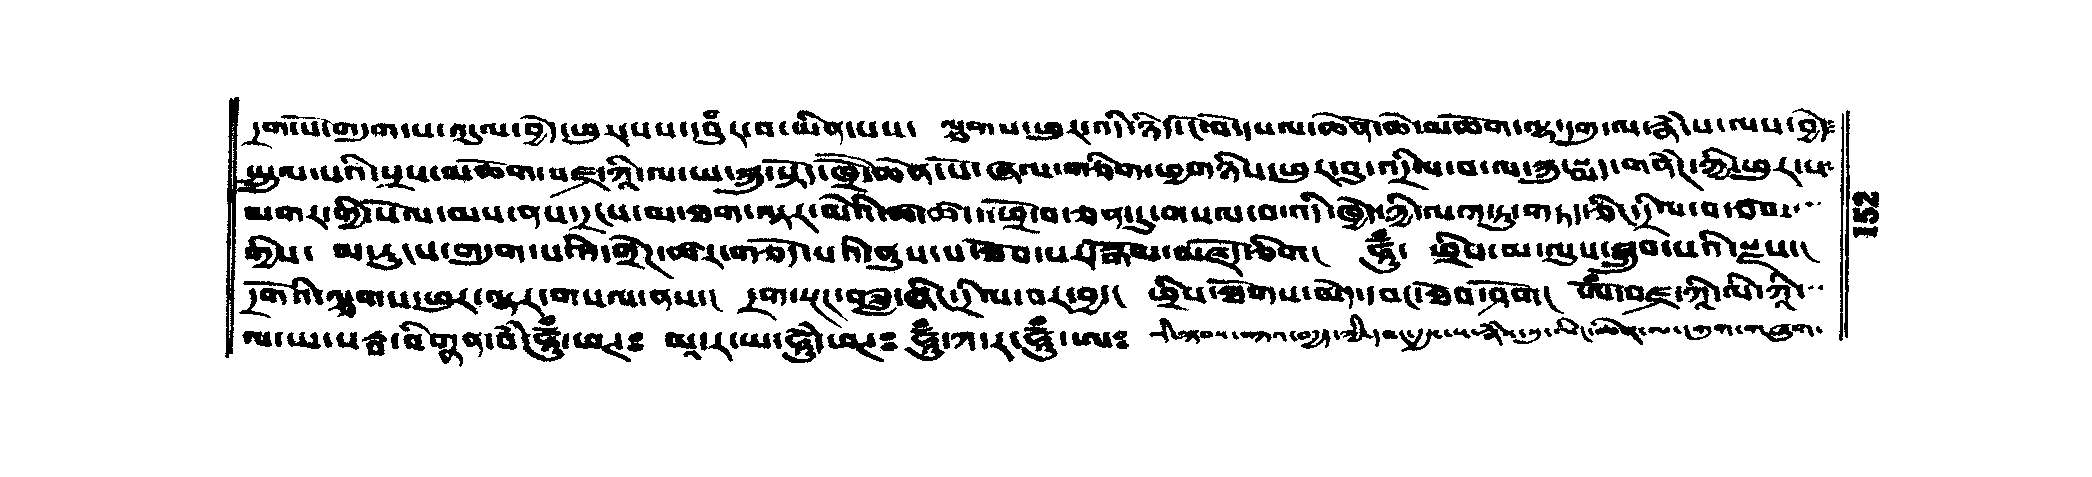དྲག་པོ་གདུག་པ་འདུལ་བྱེད་ཕུར་པས་དབང་བསྐུར་བ་ཡིན་པས། ལྕགས་ཕུར་འདི་ཉིད་ངོ་བོ་དཔལ་ཆེན་པོ་ཆེ་མཆོག་ལྷ་དགུ་ལ་རྣམ་པ་ལས་བྱེད་
སྤྲུལ་པའི་སྲས་མཆོག་བཛྲ་ཀཱི་ལ་ཡ་སྐུ་སྟོད་ཁྲོ་བོ་ཆེན་པོ་ཞལ་གཅིག་ཕྱག་གཉིས་ཕུར་བུ་འདྲིལ་བ་ལ་སྐུ་སྨད་གནམ་ལྕགས་ཀྱི་ཕུར་པ་
མགར་གྱི་སོལ་མས་ནས་དྲངས་མ་ཐག་ལྟར་མེའི་ཚ་ཚང་ཕྲོ་བ་ཅན་དུ་གསལ་བའ་འདི་ཁྱེད་ཀྱི་ལག་ཏུ་གཏད་ཅིང་དྲིལ་བ་ཙམ་
གྱིས། མ་རུངས་གདུག་པའི་དགྲེགས་ཚར་གཅོད་པའི་ནུས་པ་ཐོབ་པར་སྒོམ་མཛོད་ཅིག ཧཱུྃ། ཕྲིན་ལས་མ་ལུས་སྒྲུབ་པའི་རྫས། 
དྲག་པོའི་ལྕགས་ཕུར་ལྷར་གསལ་ནས། དྲག་སྔགས་བཟླ་ཞིང་དྲིལ་བར་བྱ། ཕྲིན་ལས་ཐོགས་མེད་དབང་ཐོབ་ཤོག ཨོཾ་བཛྲ་ཀཱི་ལི་ཀཱི་
ལ་ཡ་སརྦ་བིགྣན་བམ་ཧཱུྃ་ཕཊཿ མཱ་ར་ཡ་ཧཱུཾ་ཕཊཿཧཱུྃ་ཀ་ར་ཧཱུྃ་ཨཿ འདི་སྐབས་བཀའ་བརྒྱད་ཀྱི་དབང་རྒྱས་པ་རྣམས་སུ་ལིང་ཆེན་ལ་དགུག་གཞུག་